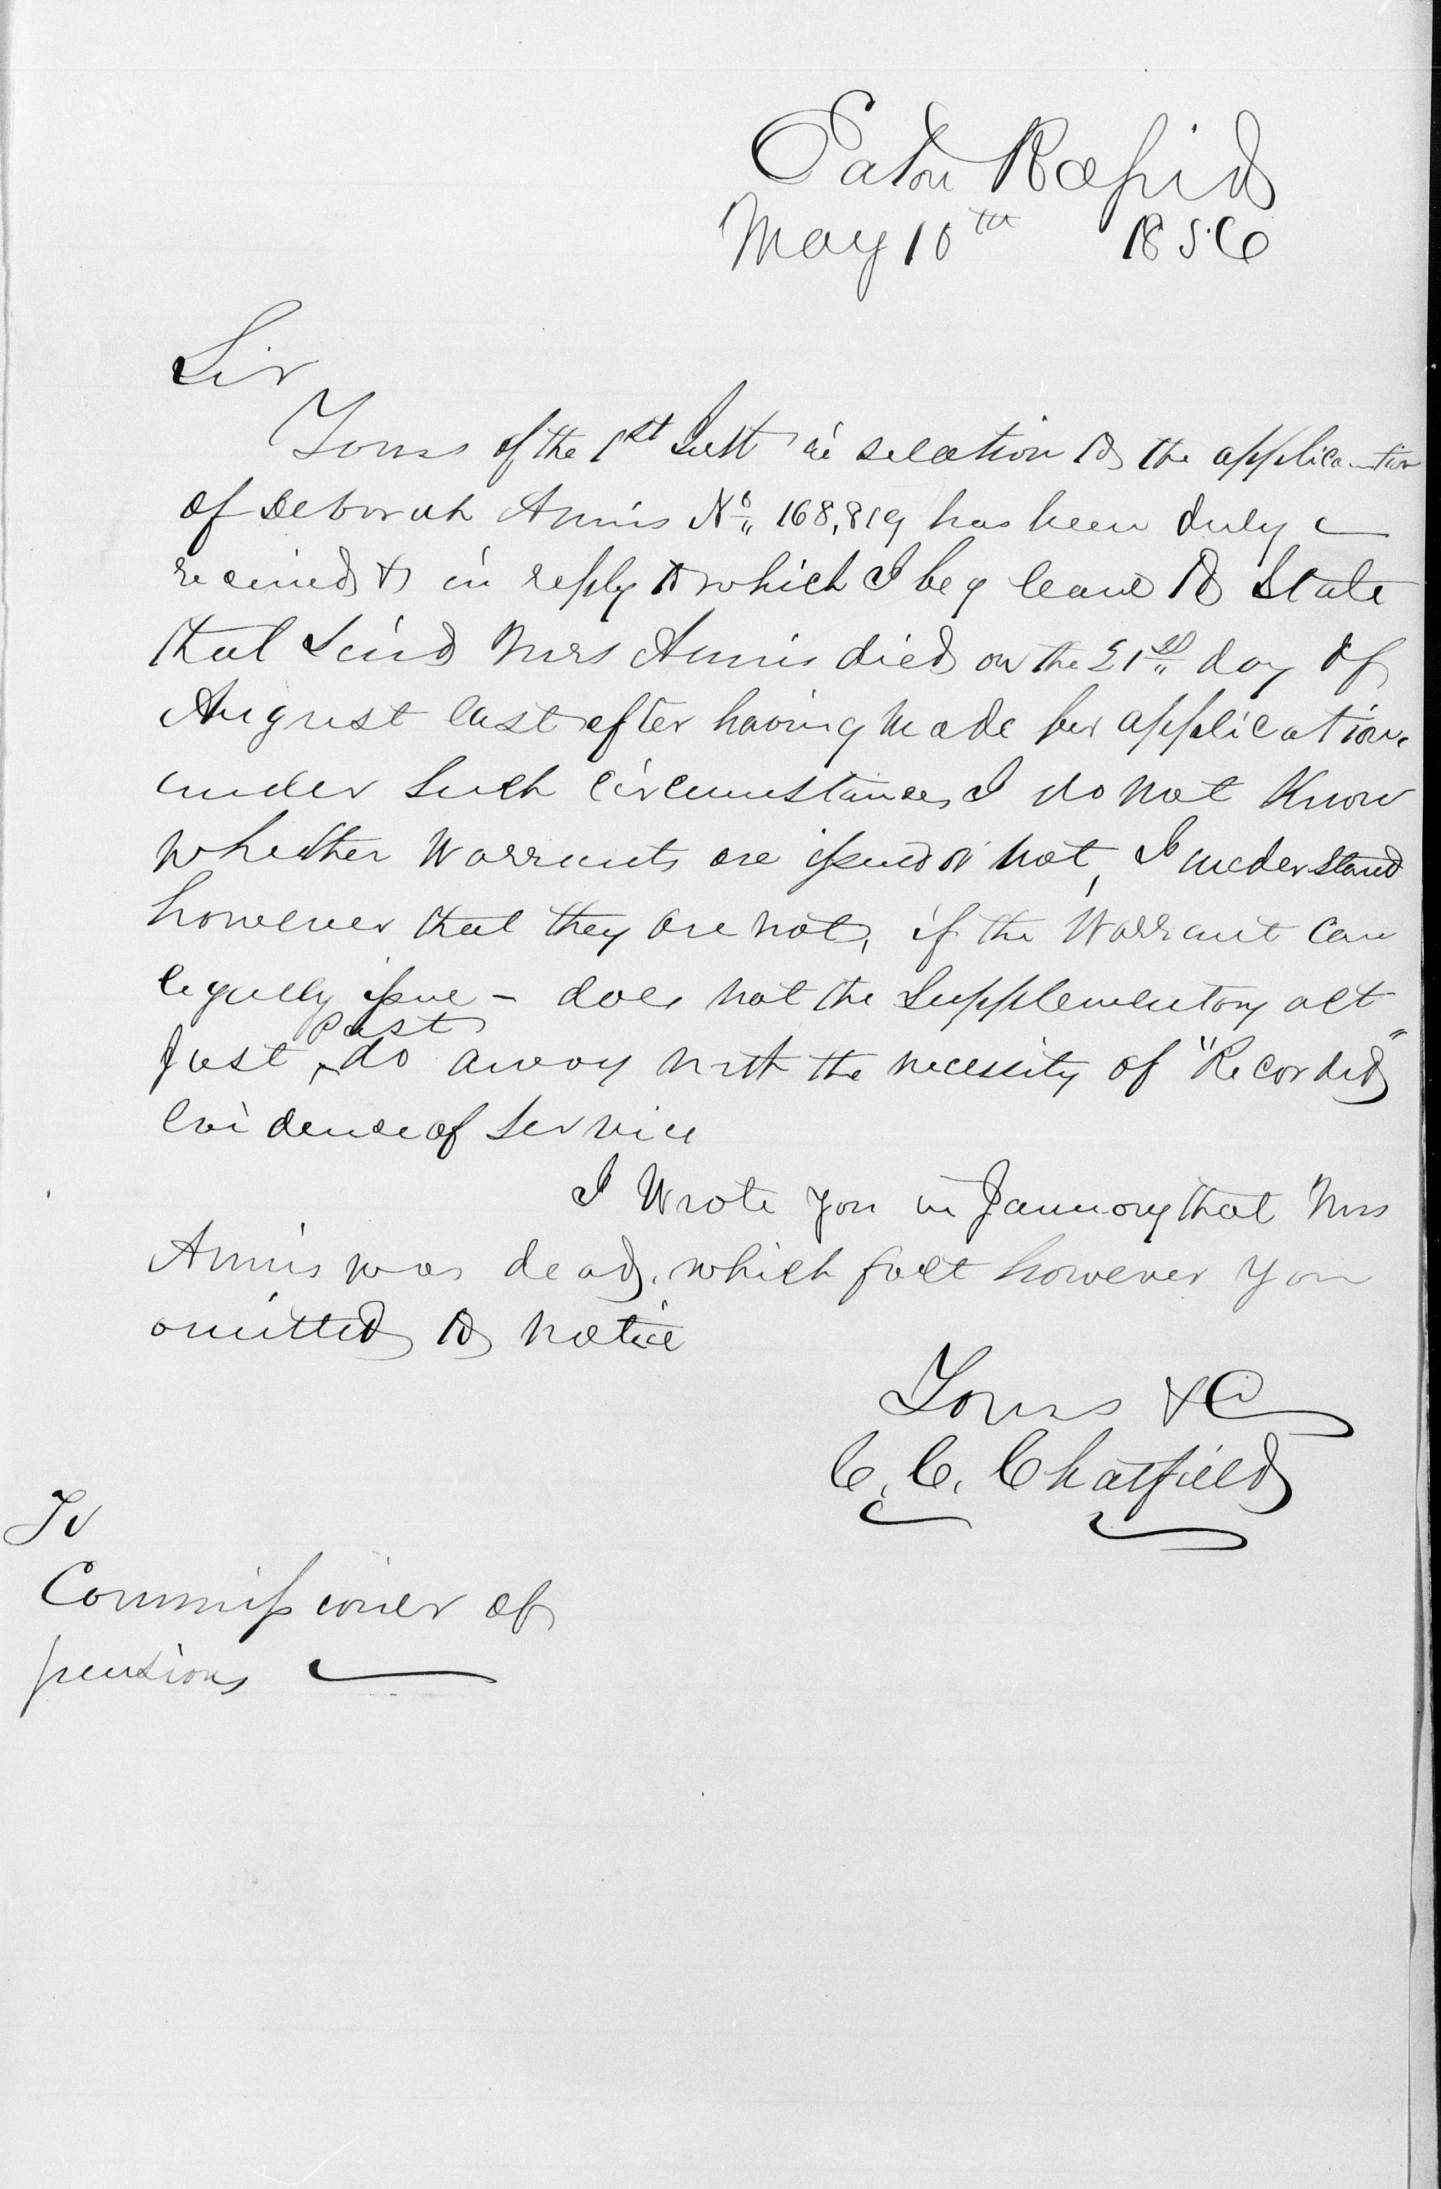Eaton Rapid
May 10th 1856

Sir
Yours of the 1st [illegible]  relation to the application
of Deborah Annis No. 168.819 has been duly
received & in reply to which I beg leave & state
that said Mrs Annis died on the 21st day of
August last after having made for application.
under such circumstances I do not know
whether Warrants are issued or not, I understand
however that they are not, if the Warrant can
legally issue-- does not the Supplementary act
Just past do away with the necessity of "Recorded"
evidence of Service.
I wrote you in January that Mrs.
Annis was dead which fact however you
omitted to notice.
Yours & c
C.C. Chatfield

To
Commissioner of pensions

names: Annis, Annis, Deborah Annis, C C Chatfield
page: 7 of 9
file: B.L.Reg 168819-1855, Jacob Annis, [BLANK]